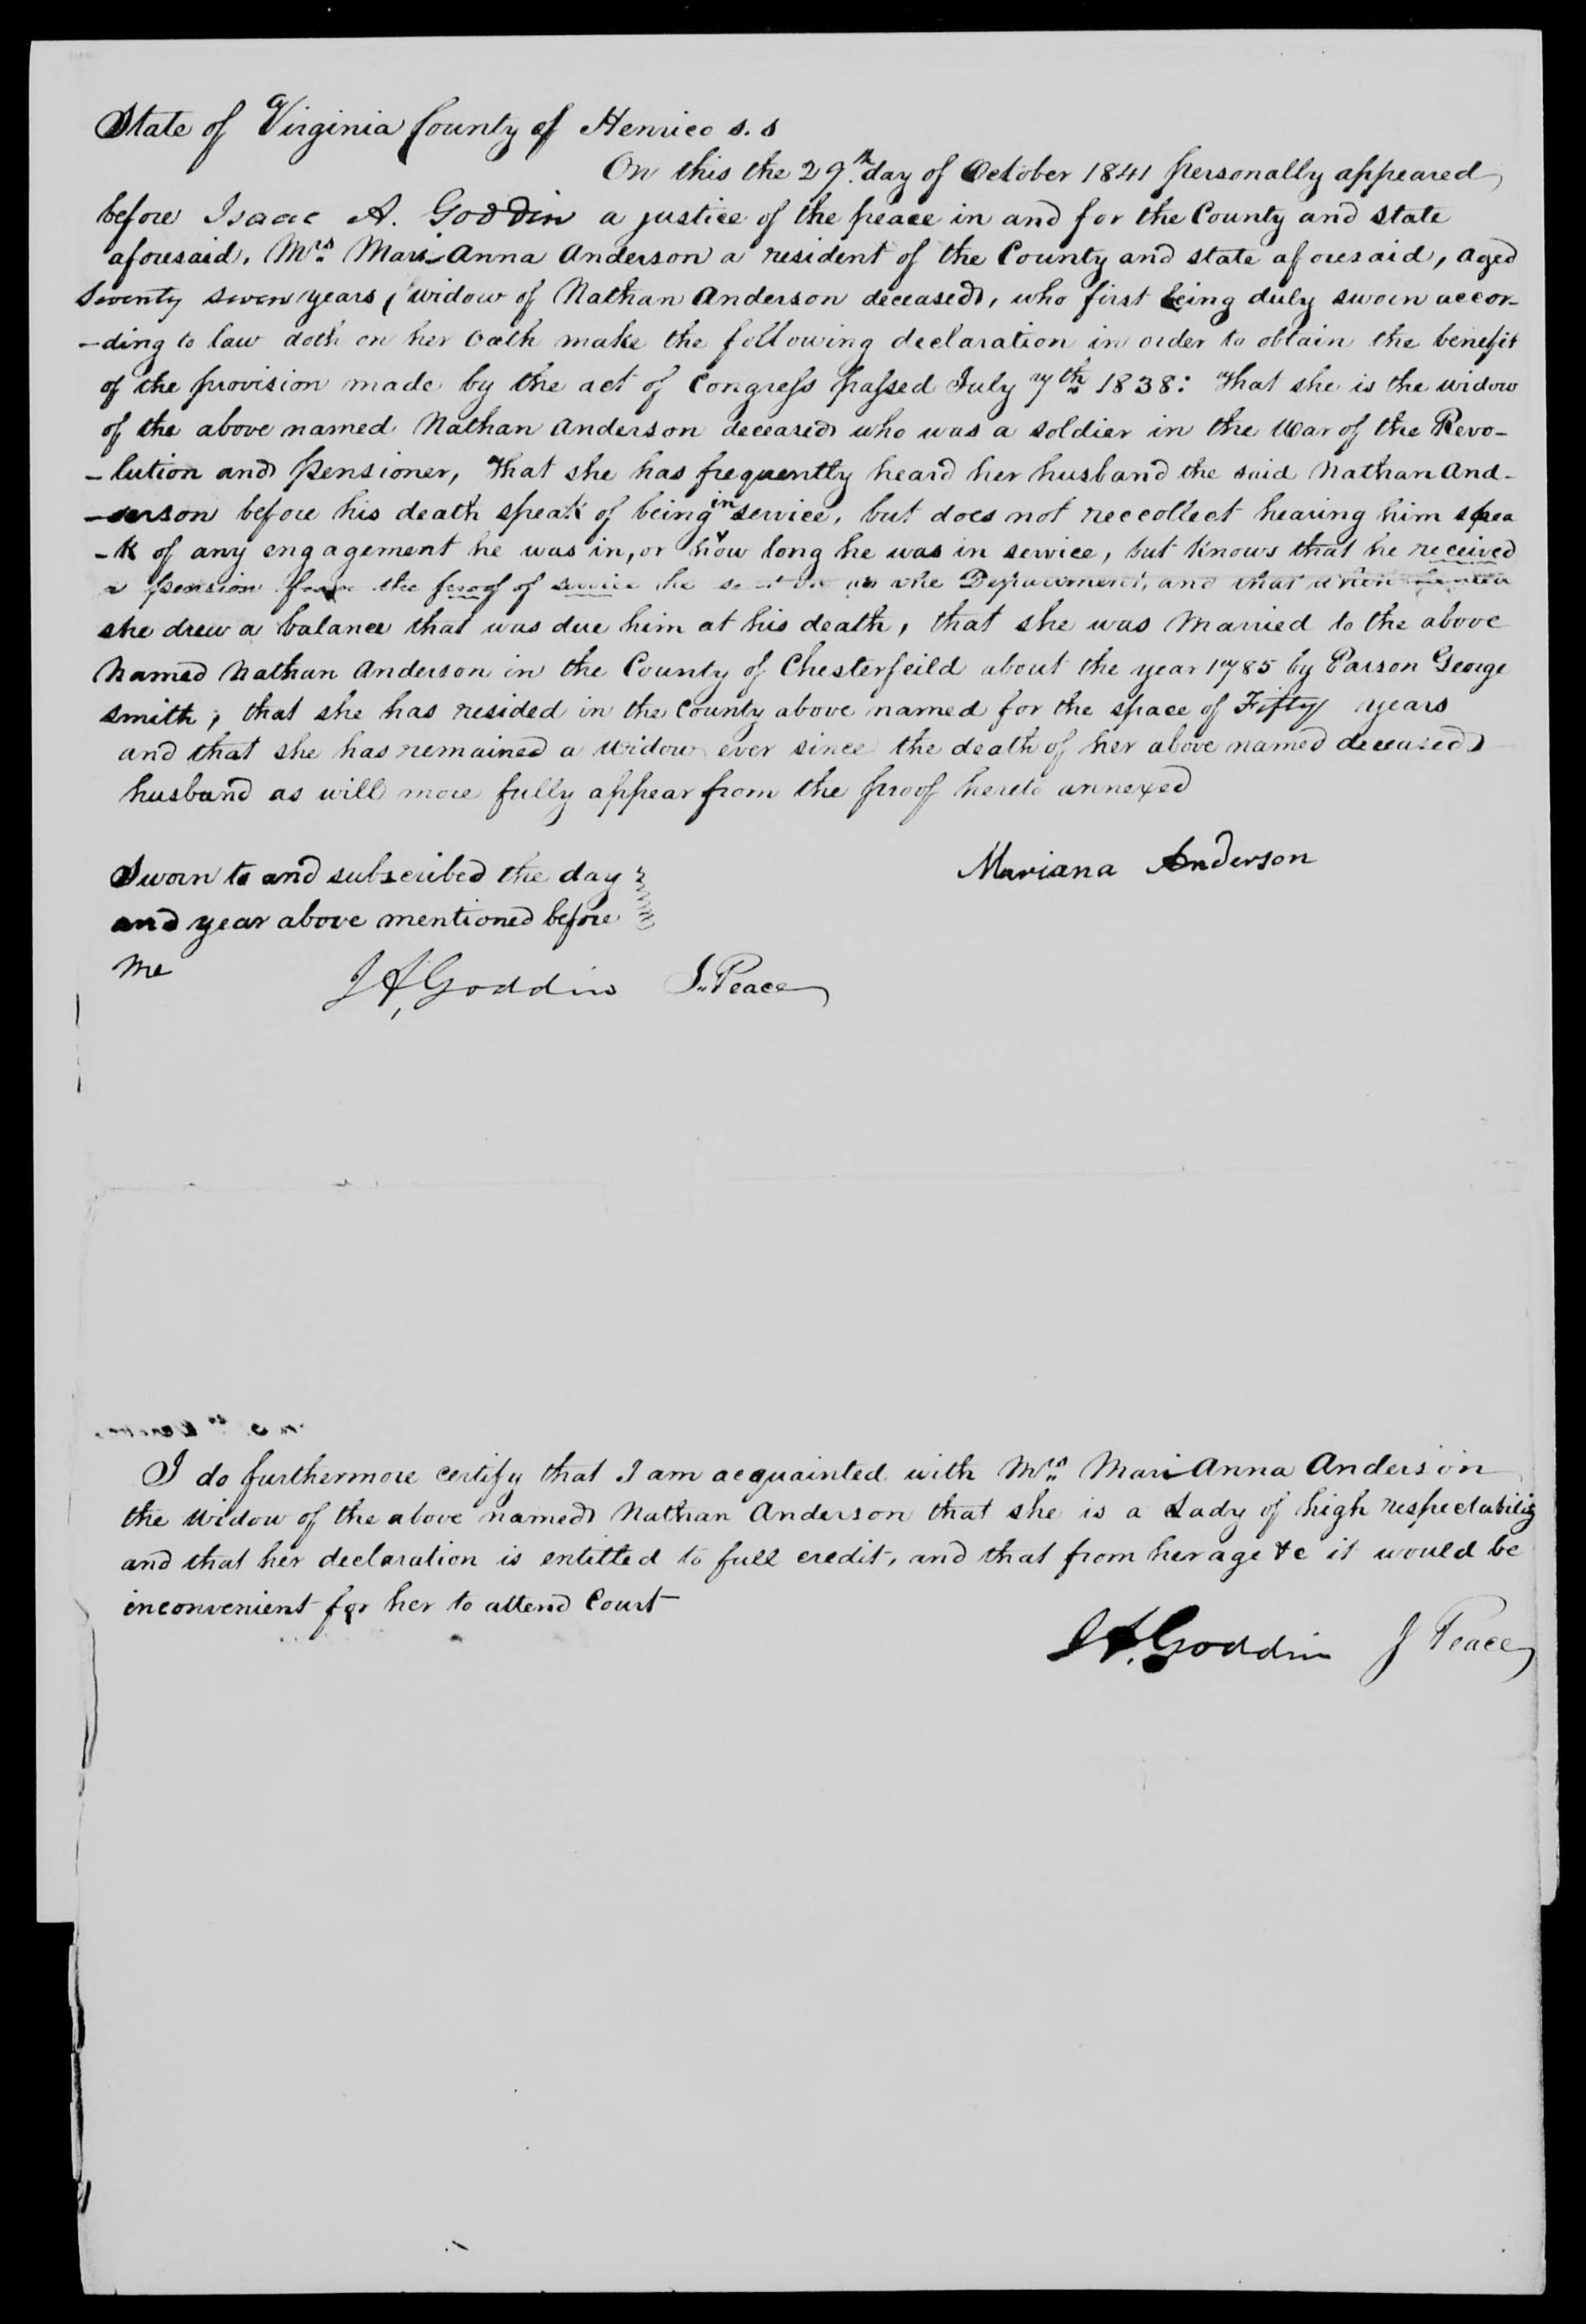State of Virginia County of Henrico S.S
On this the 29th day of October 1841 personally appeared before Isaac A. Goddin a justice of the peace in and for the County and state aforesaid, Mrs. Marianna Anderson a resident of the County and state aforesaid, aged seventy seven years (widow of Nathan Anderson deceased, who first being duly sworn according to law doth on her Oath make the following declaration in order to obtain the benefit of the provision made by the act of Congress passed July 7th 1838: That she is the widow of the above named Nathan Anderson deceased who was a soldier in the War of the Revolution and pensioner, That she has frequently heard her husband the said Nathan Anderson before his death speak of being in service, but does not recollect hearing him speak of any engagement he was in, or how long he was in service, but knows that he received a pension for the proof of service he sent on to the Department, and that when [he died] she drew a balance that was due him at his death, that she was Married to the above Named Nathan Anderson in the County of Chesterfield about the year 1785 by Parson George Smith; that she has resided in the County above named for the space of Fifty years and that she has remained a widow ever since the death of her above named deceased husband as will more fully appear from the proof hereto annexed
Mariana Anderson
Sworn to and subscribed the day
and year above mentioned before 
me J. A. Goddin J. Peace 

I do furthermore certify that I am acquainted with Mrs. Mari Anna Anderson, the widow of the above named Nathan Anderson that she is a Lady of high respectability and that her declaration is entitled to full credit, and that from her age &c it would be inconvenient for her to attend Court
J. A. Goddin J Peace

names: Mari Anna Anderson, Nathan Anderson, Isaac A Goodin, Nathan Anderson, Mariana Anderson, Nathan Anderson, Mari Anna Anderson, Nathan Anderson, Earson George Smith, J A Goddin, J A Goodin, Nathan Anderson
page: 11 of 43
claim: widow's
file: W. 5,626, Nathan Anderson, Va.